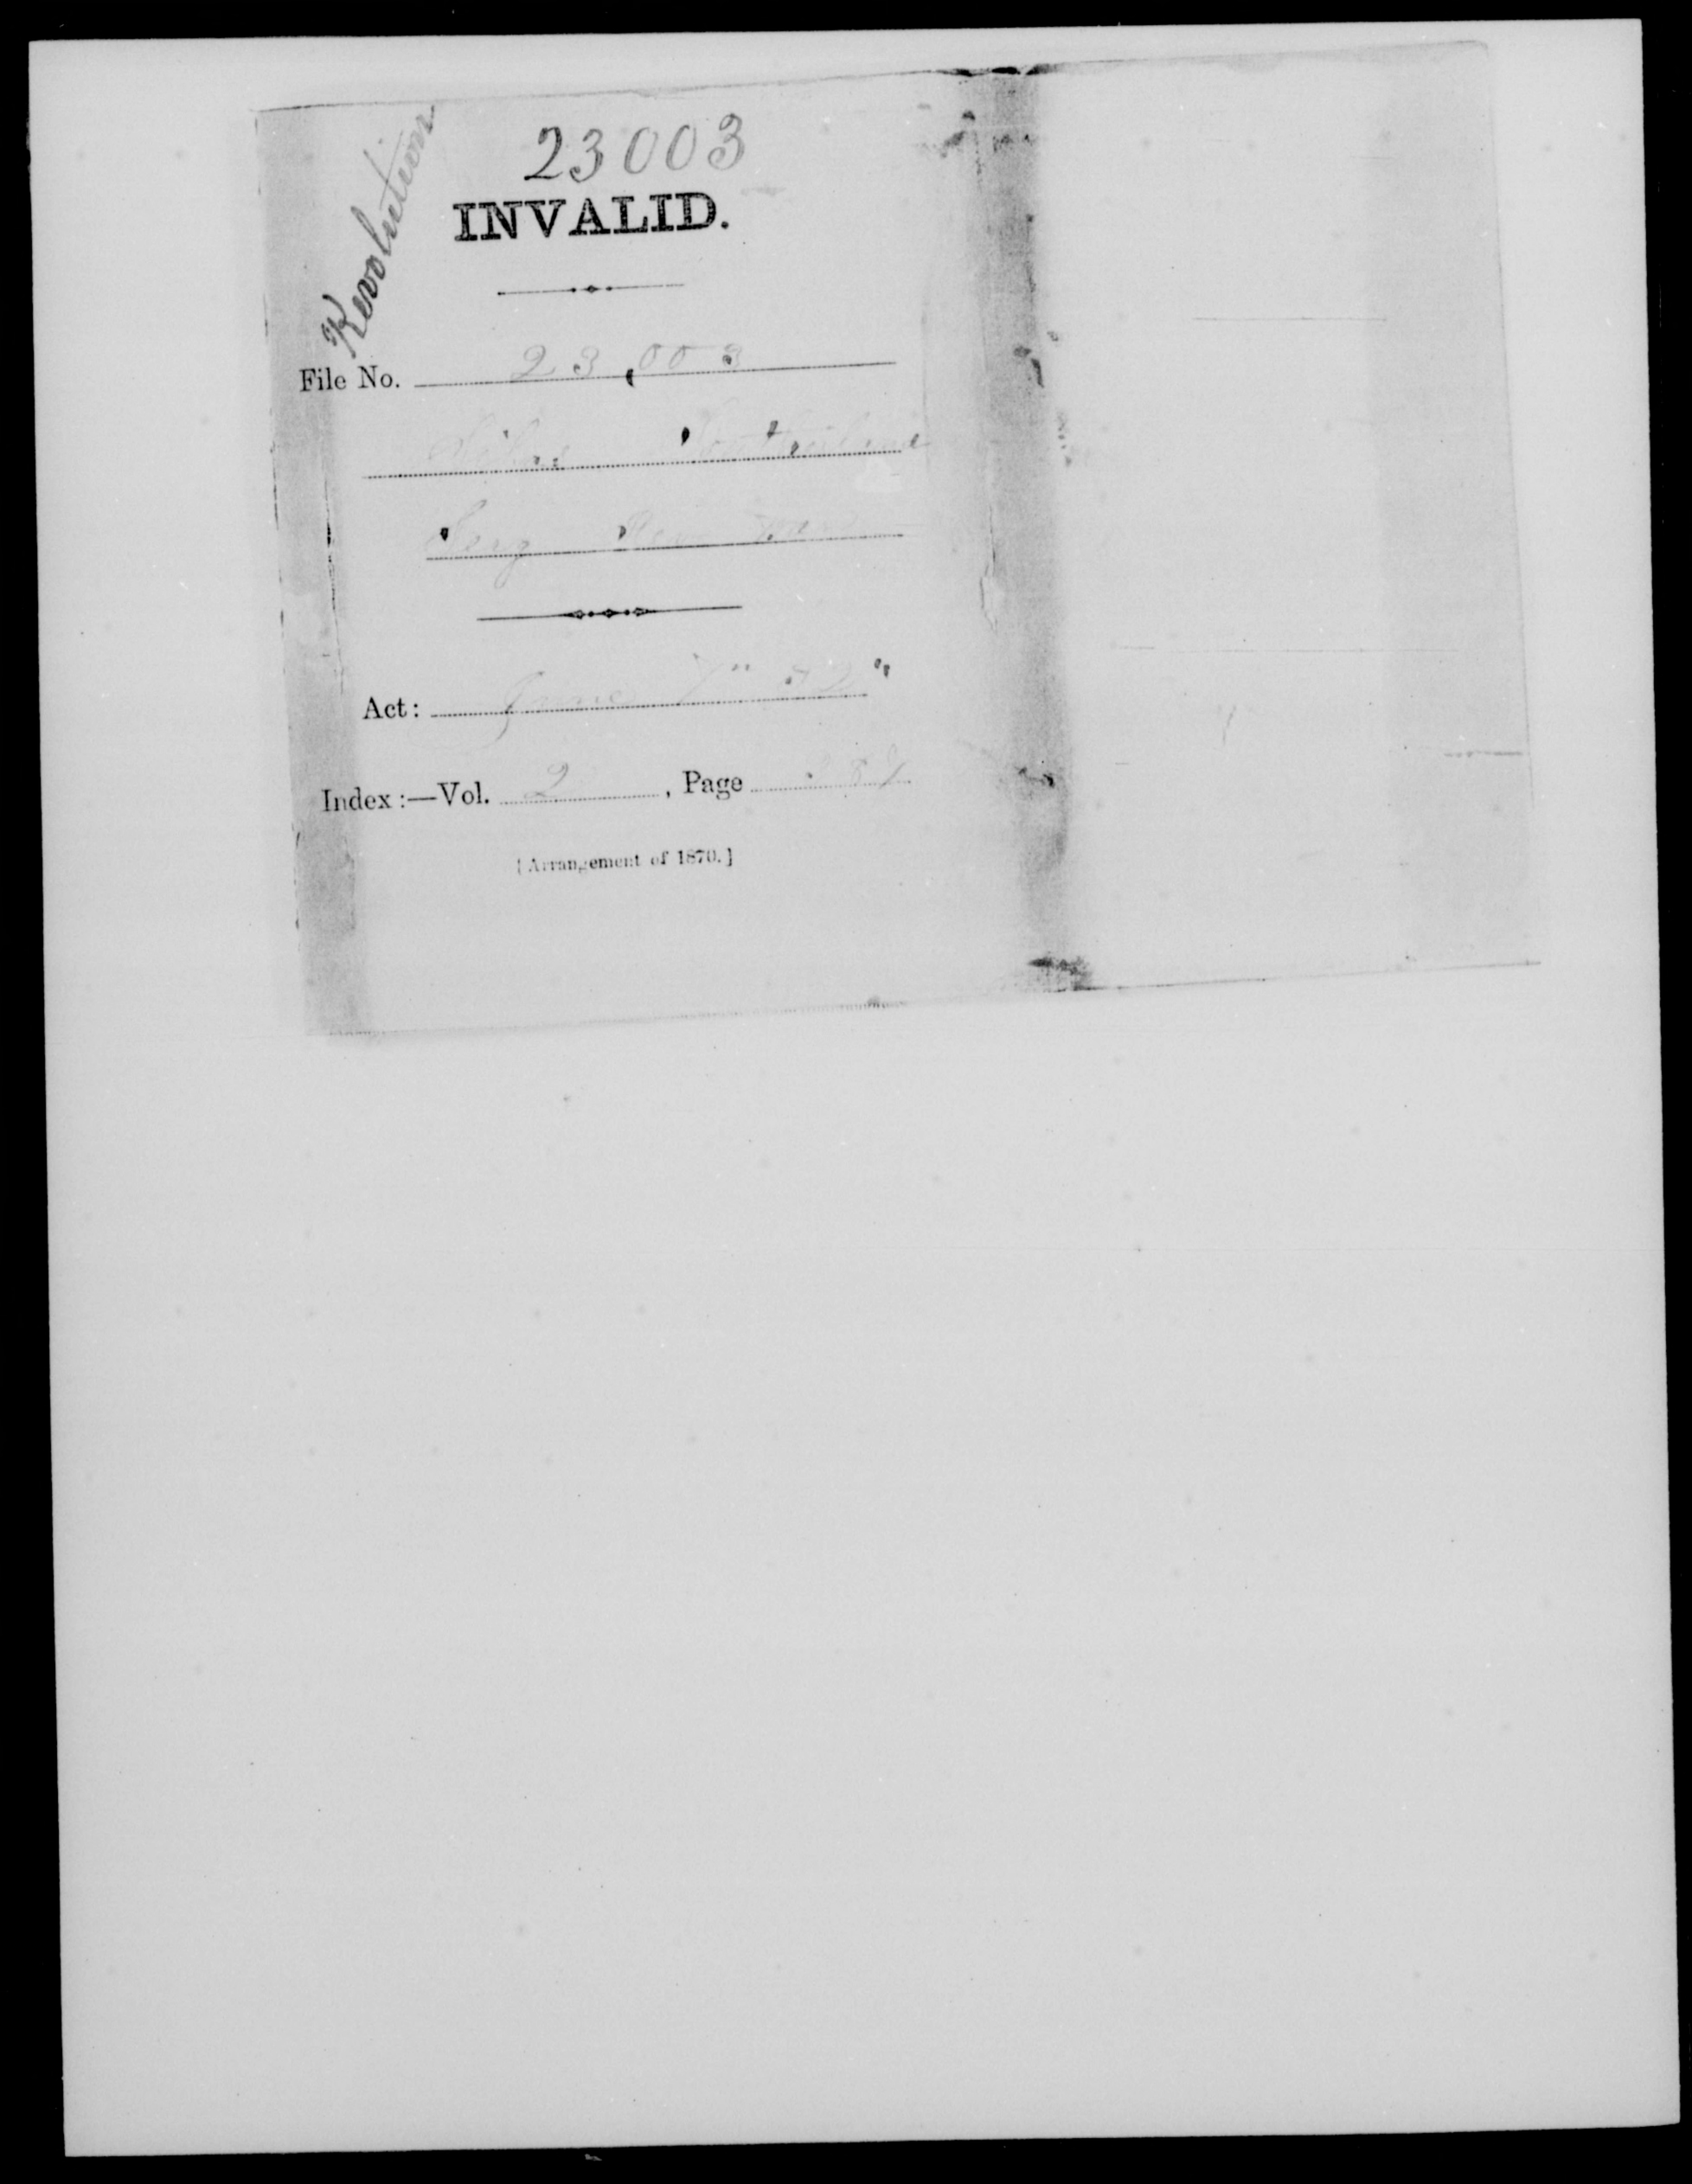23003
INVALID
Revolution
File No. 23,003
Silas Southerland
Serg  Rev War
Act: June 7th 32
Index: - Vol. 2, Page [?]8[7?]
 [Arrangement of 1870]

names: Silas Sutherland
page: 75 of 77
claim: survivor's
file: S. 23003, for Silas Southerland, New York